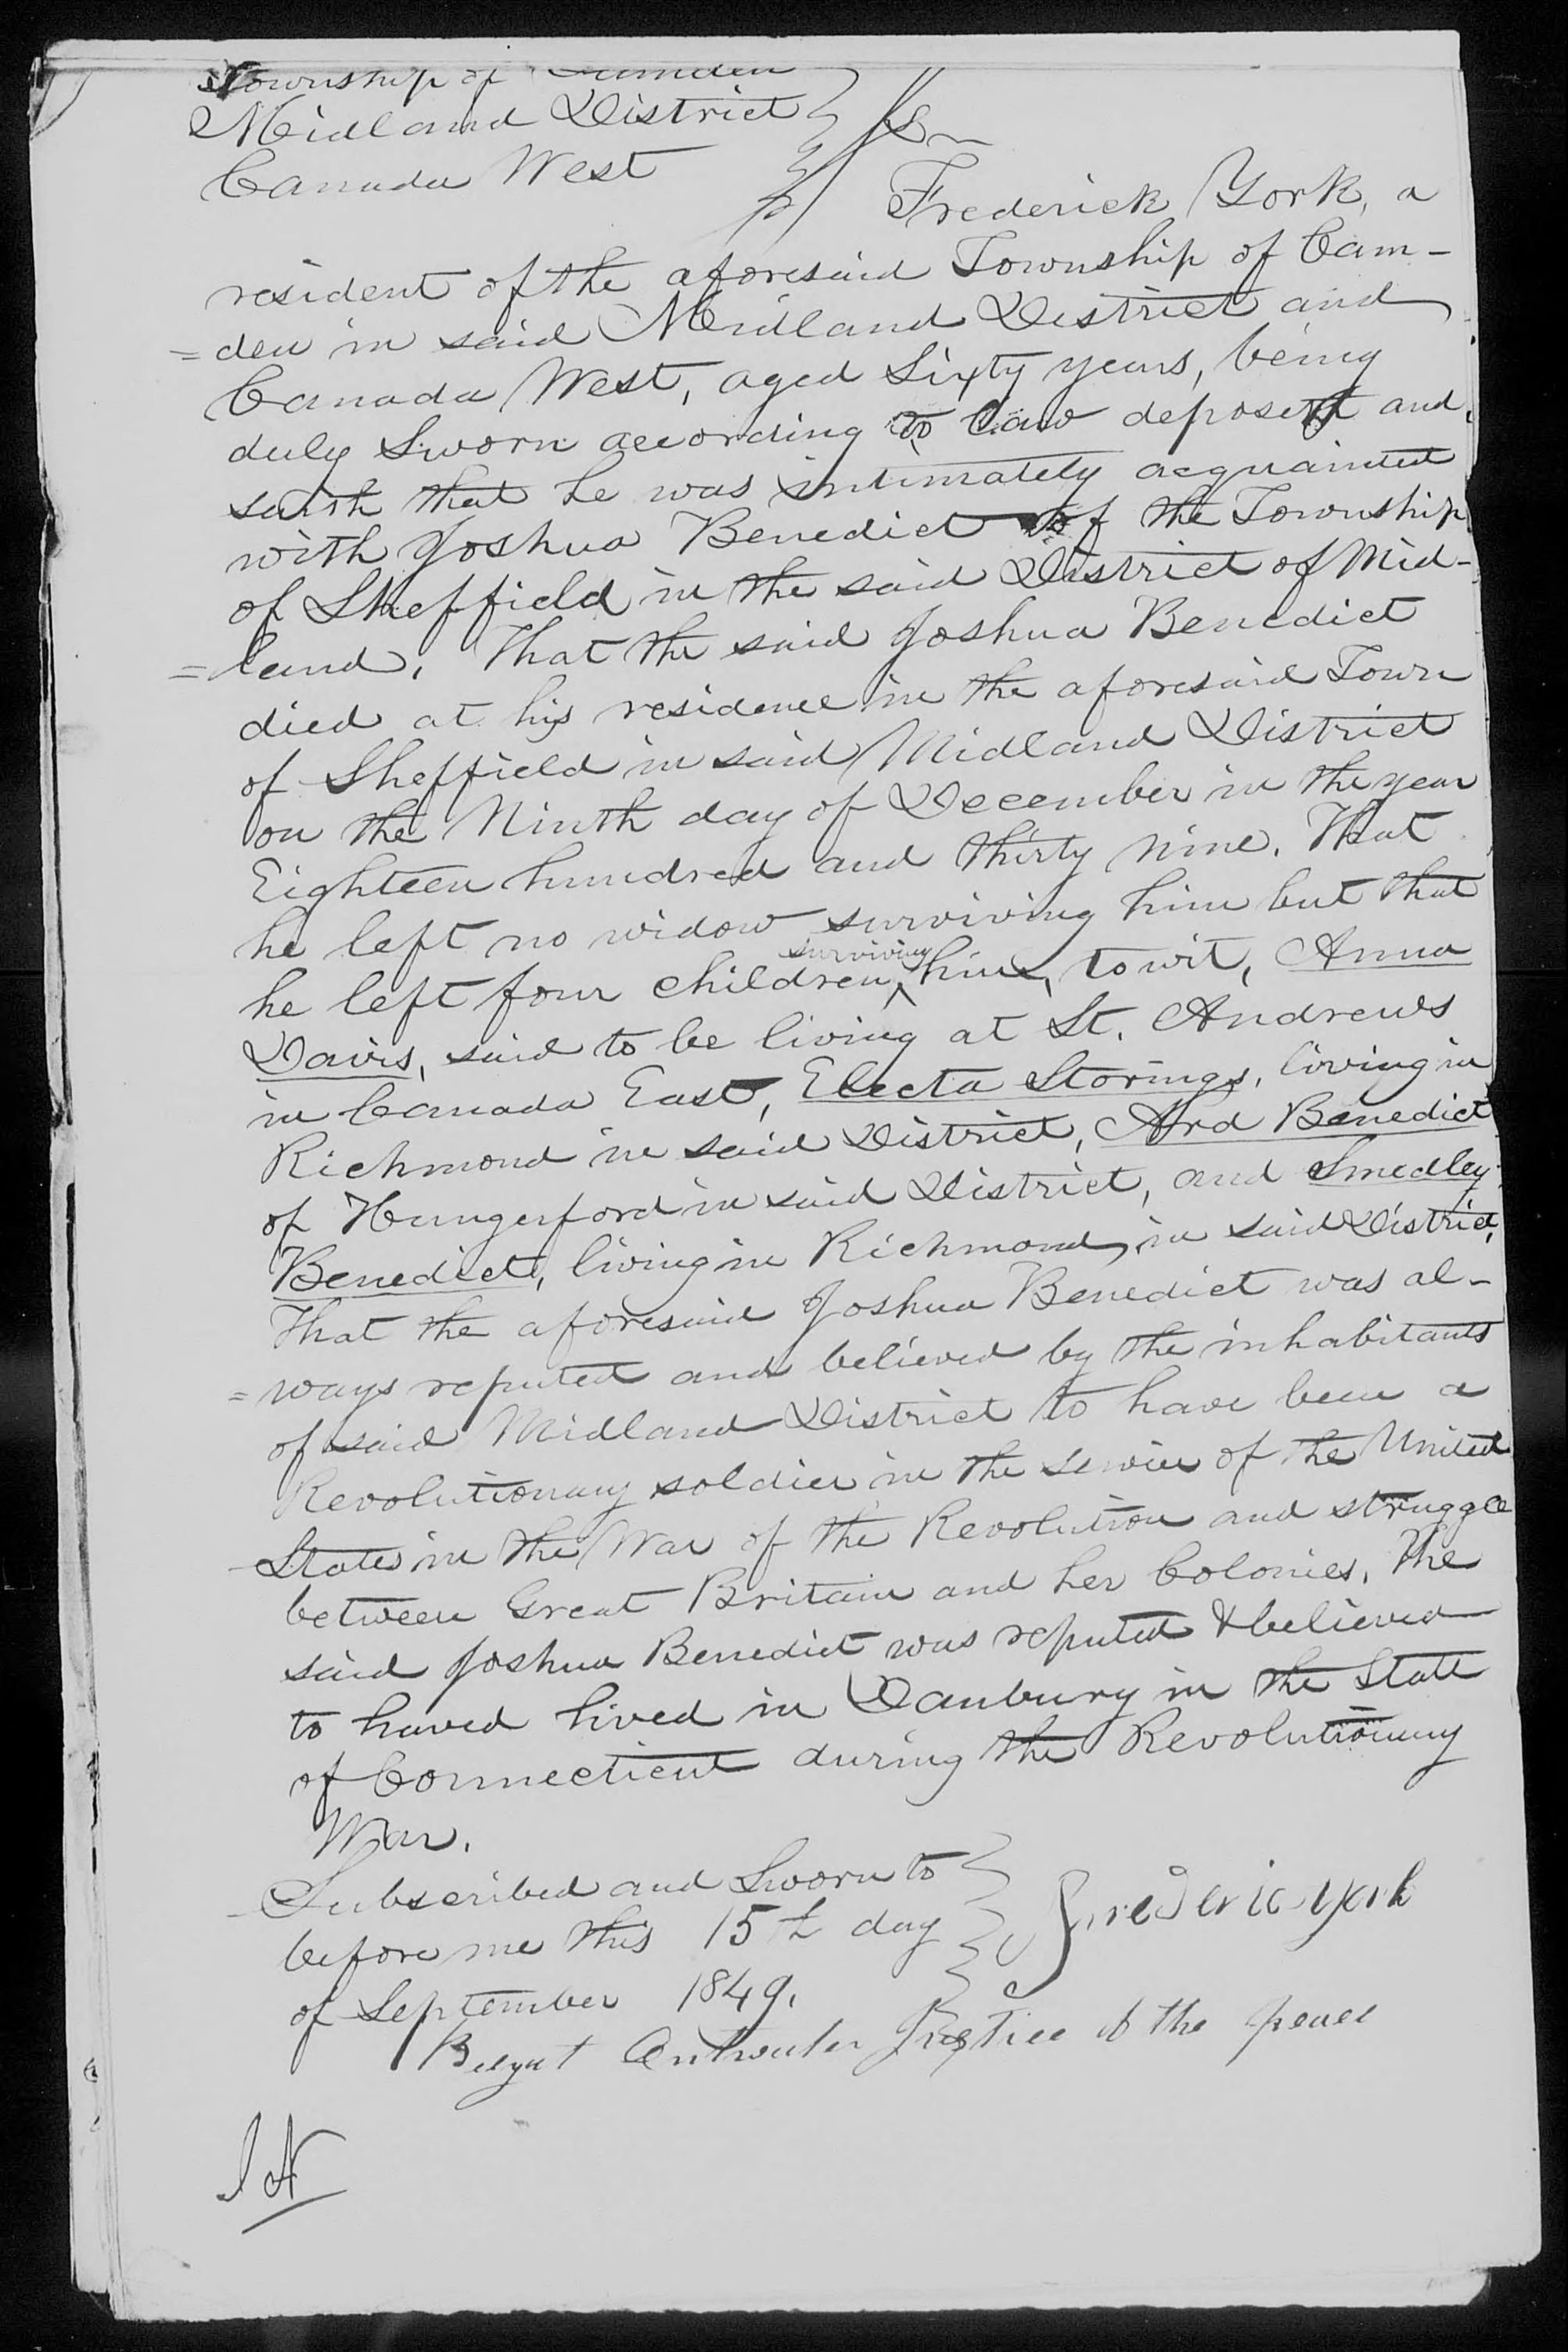Township of Camden
Midland District
Canada West } Ss~

Frederick York, a resident of the aforesaid Township of Camden in said Midland District and Canada West, aged Sixty years, being duly Sworn according to law deposeth and saith that he was intimately acquainted with Joshua Benedict of the Township of Sheffield in the said District of Midland. That the said Joshua Benedict died at his residence in the aforesaid Township of Sheffield in said Midland District on the Ninth day of December in the year Eighteen hundred and thirty nine. That he left no widow surviving him but that he left four children surviving him, to wit, Anna Davis, said to be living at St. Andrews in Canada East, Electa Storings, living in Richmond in said District, Ard Benedict of Hungerford in said District, and Smedley Benedict, living in Richmond in said District, That the aforesaid Joshua Benedict was always reputed and believed by the inhabitants of said Midland District to have been a Revolutionary soldier in the service of the United States in the War of the Revolution and struggle between Great Britain and her Colonies, the said Joshua Benedict was reputed & believed to haved [have] lived in Danbury in the State of Connecticut during the Revolutionary War.
Frederick York
Subscribed and Sworn to before me this 15th day of September 1849.
Belyat Outwater Justice of the peace
[illegible]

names: Frederick York, Smedley Benedict, Anna Davis, Frederick York, Joshua Benedict, Ard Benedict, Joshua Benedict, Belyat Outwater, Joshua Benedict, Joshua Benedict, Electa Storing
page: 45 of 106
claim: survivor's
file: S 23,116., Joshua Benedict, Conn.